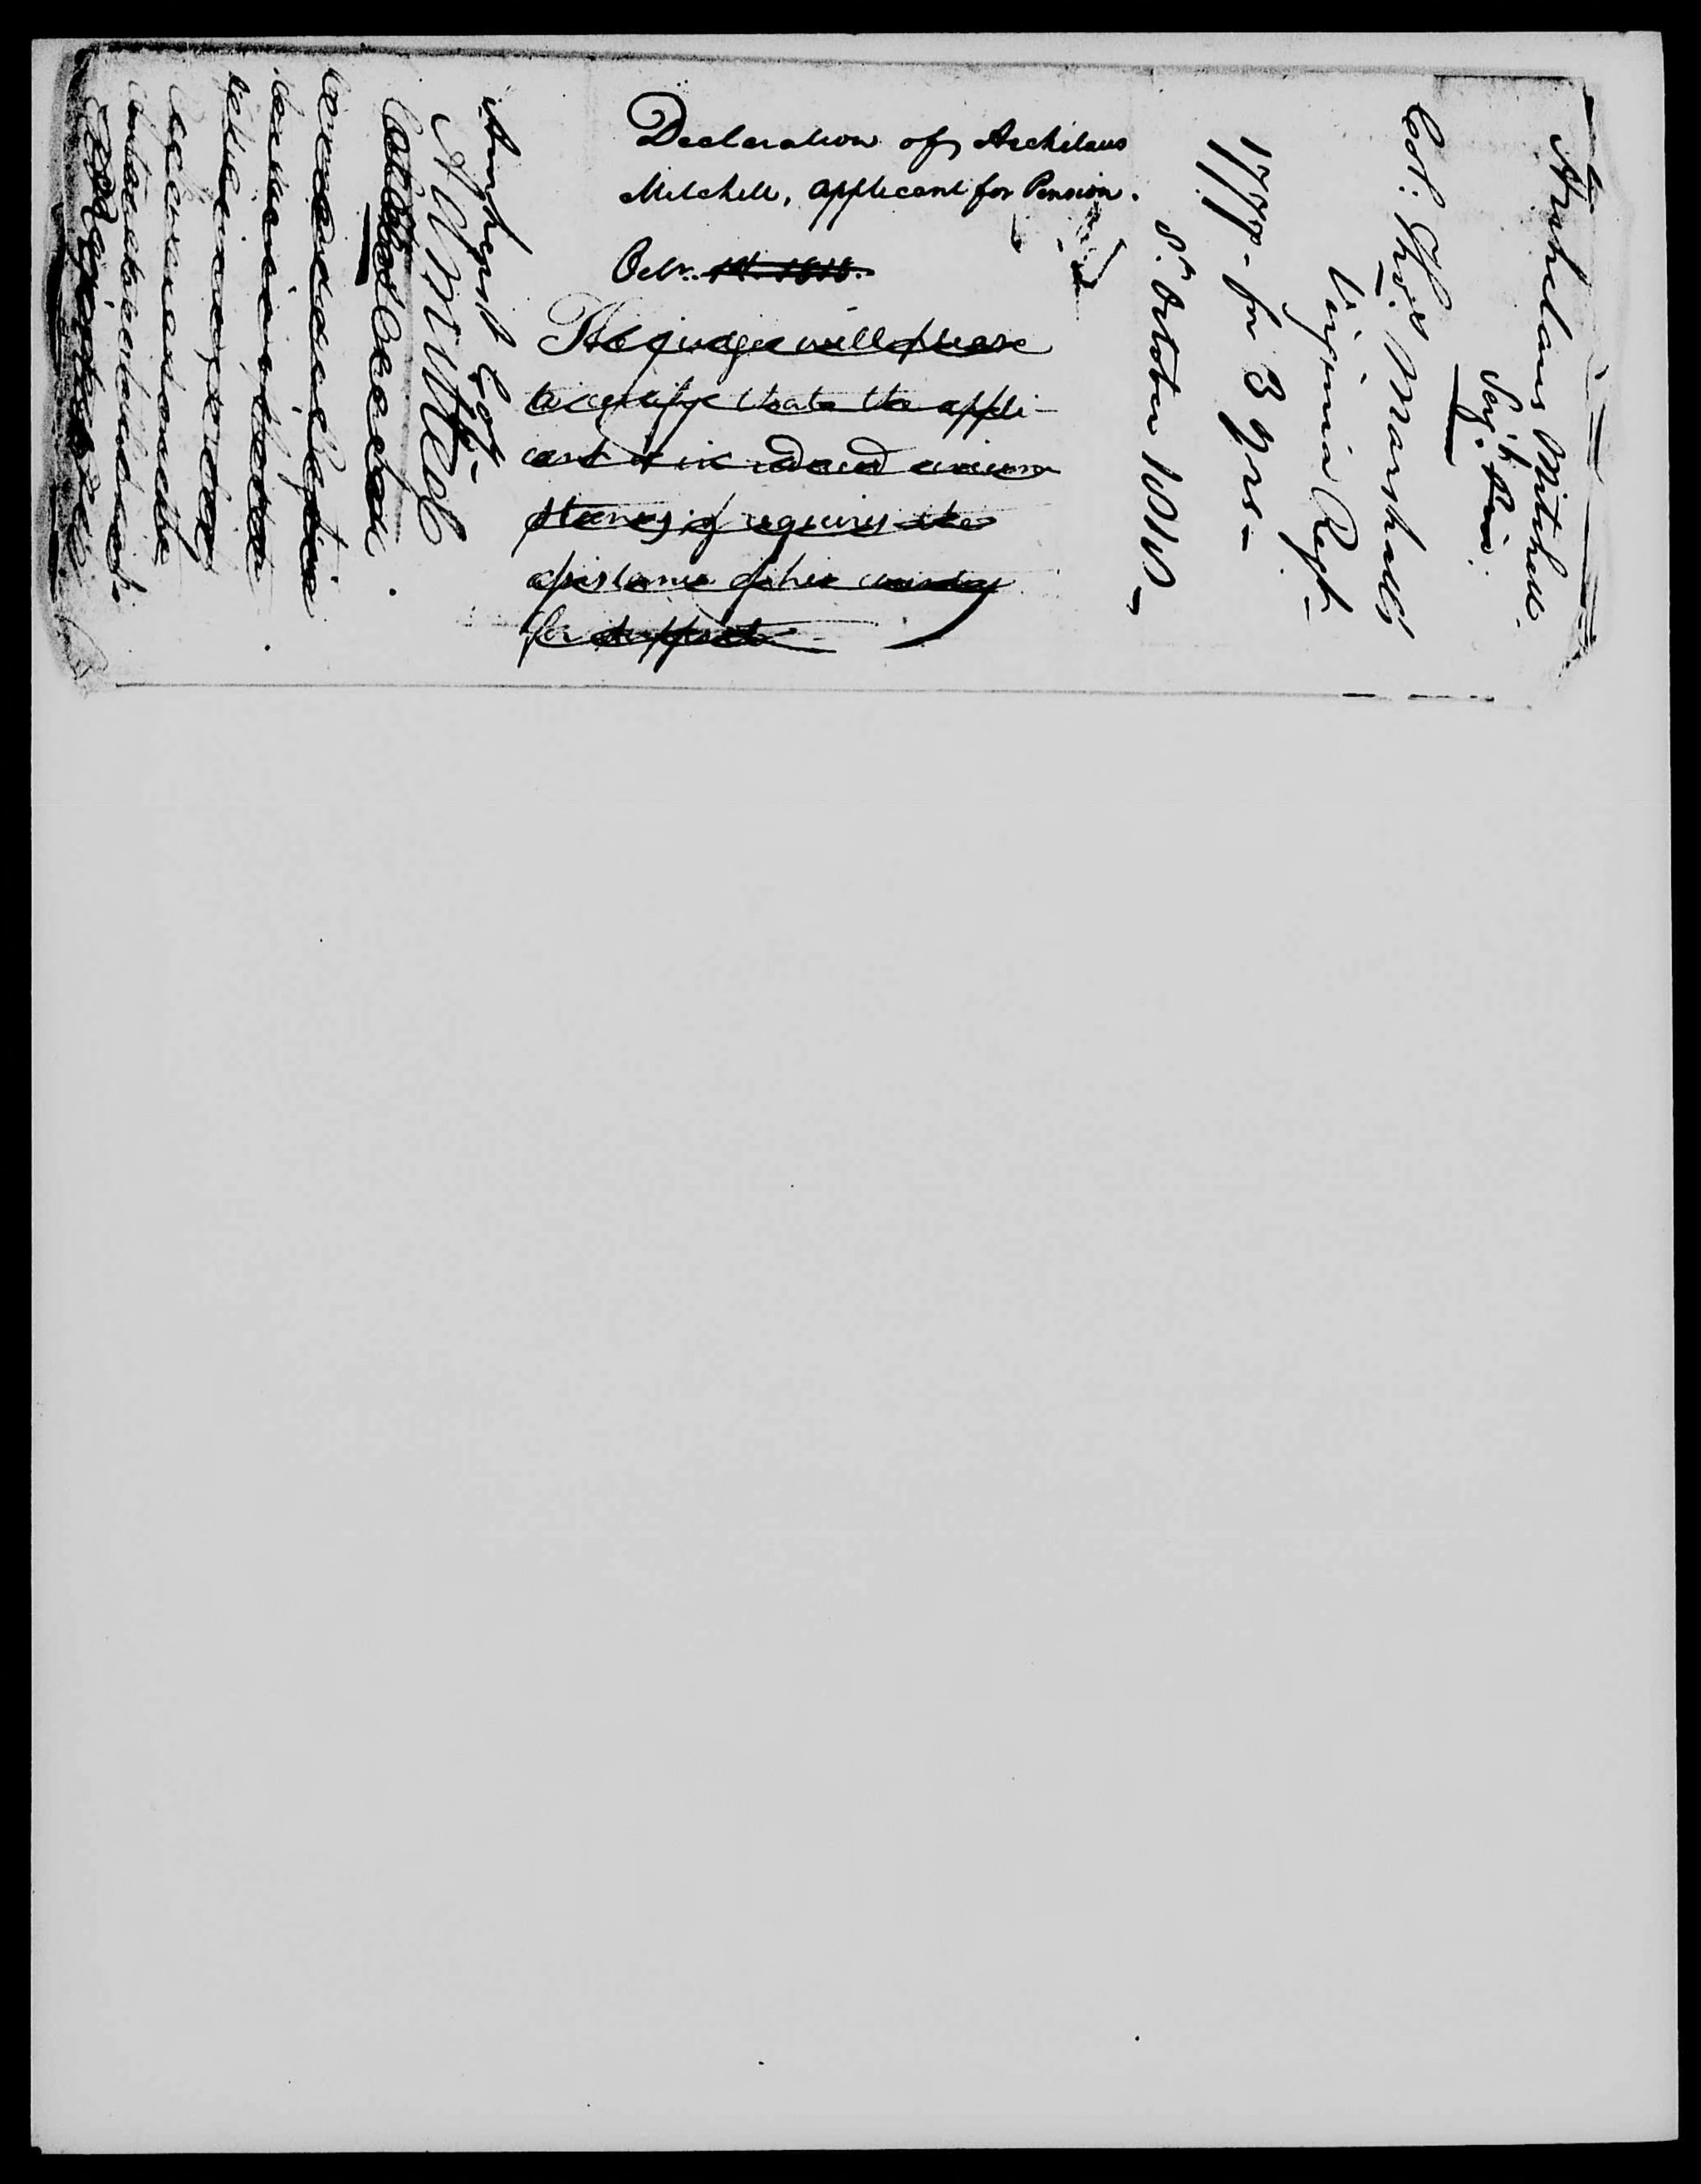[this is a duplicate of image 4]

Archelaus Mitchell
Serg'ᵗ
Col: Thoˢ Marshall's
Virginia Regt_

1777 - for 3 yrs -
8ᵗʰ October 1818_

Declaration of Archelaus
Mitchell, applicant for Pension.

Octʳ ["14 1818" stricken through]

[the following paragraph stricken through]
The judge will please to [illegible] the applicant [illegible] if requires the assistance of his [illegible] for support

Amherst Coʸ_
Admitted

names: Amherst Coy; Archilaus Mitchell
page: 5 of 23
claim: survivor's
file: S. 38226, for Archelaus Mitchell, Virginia